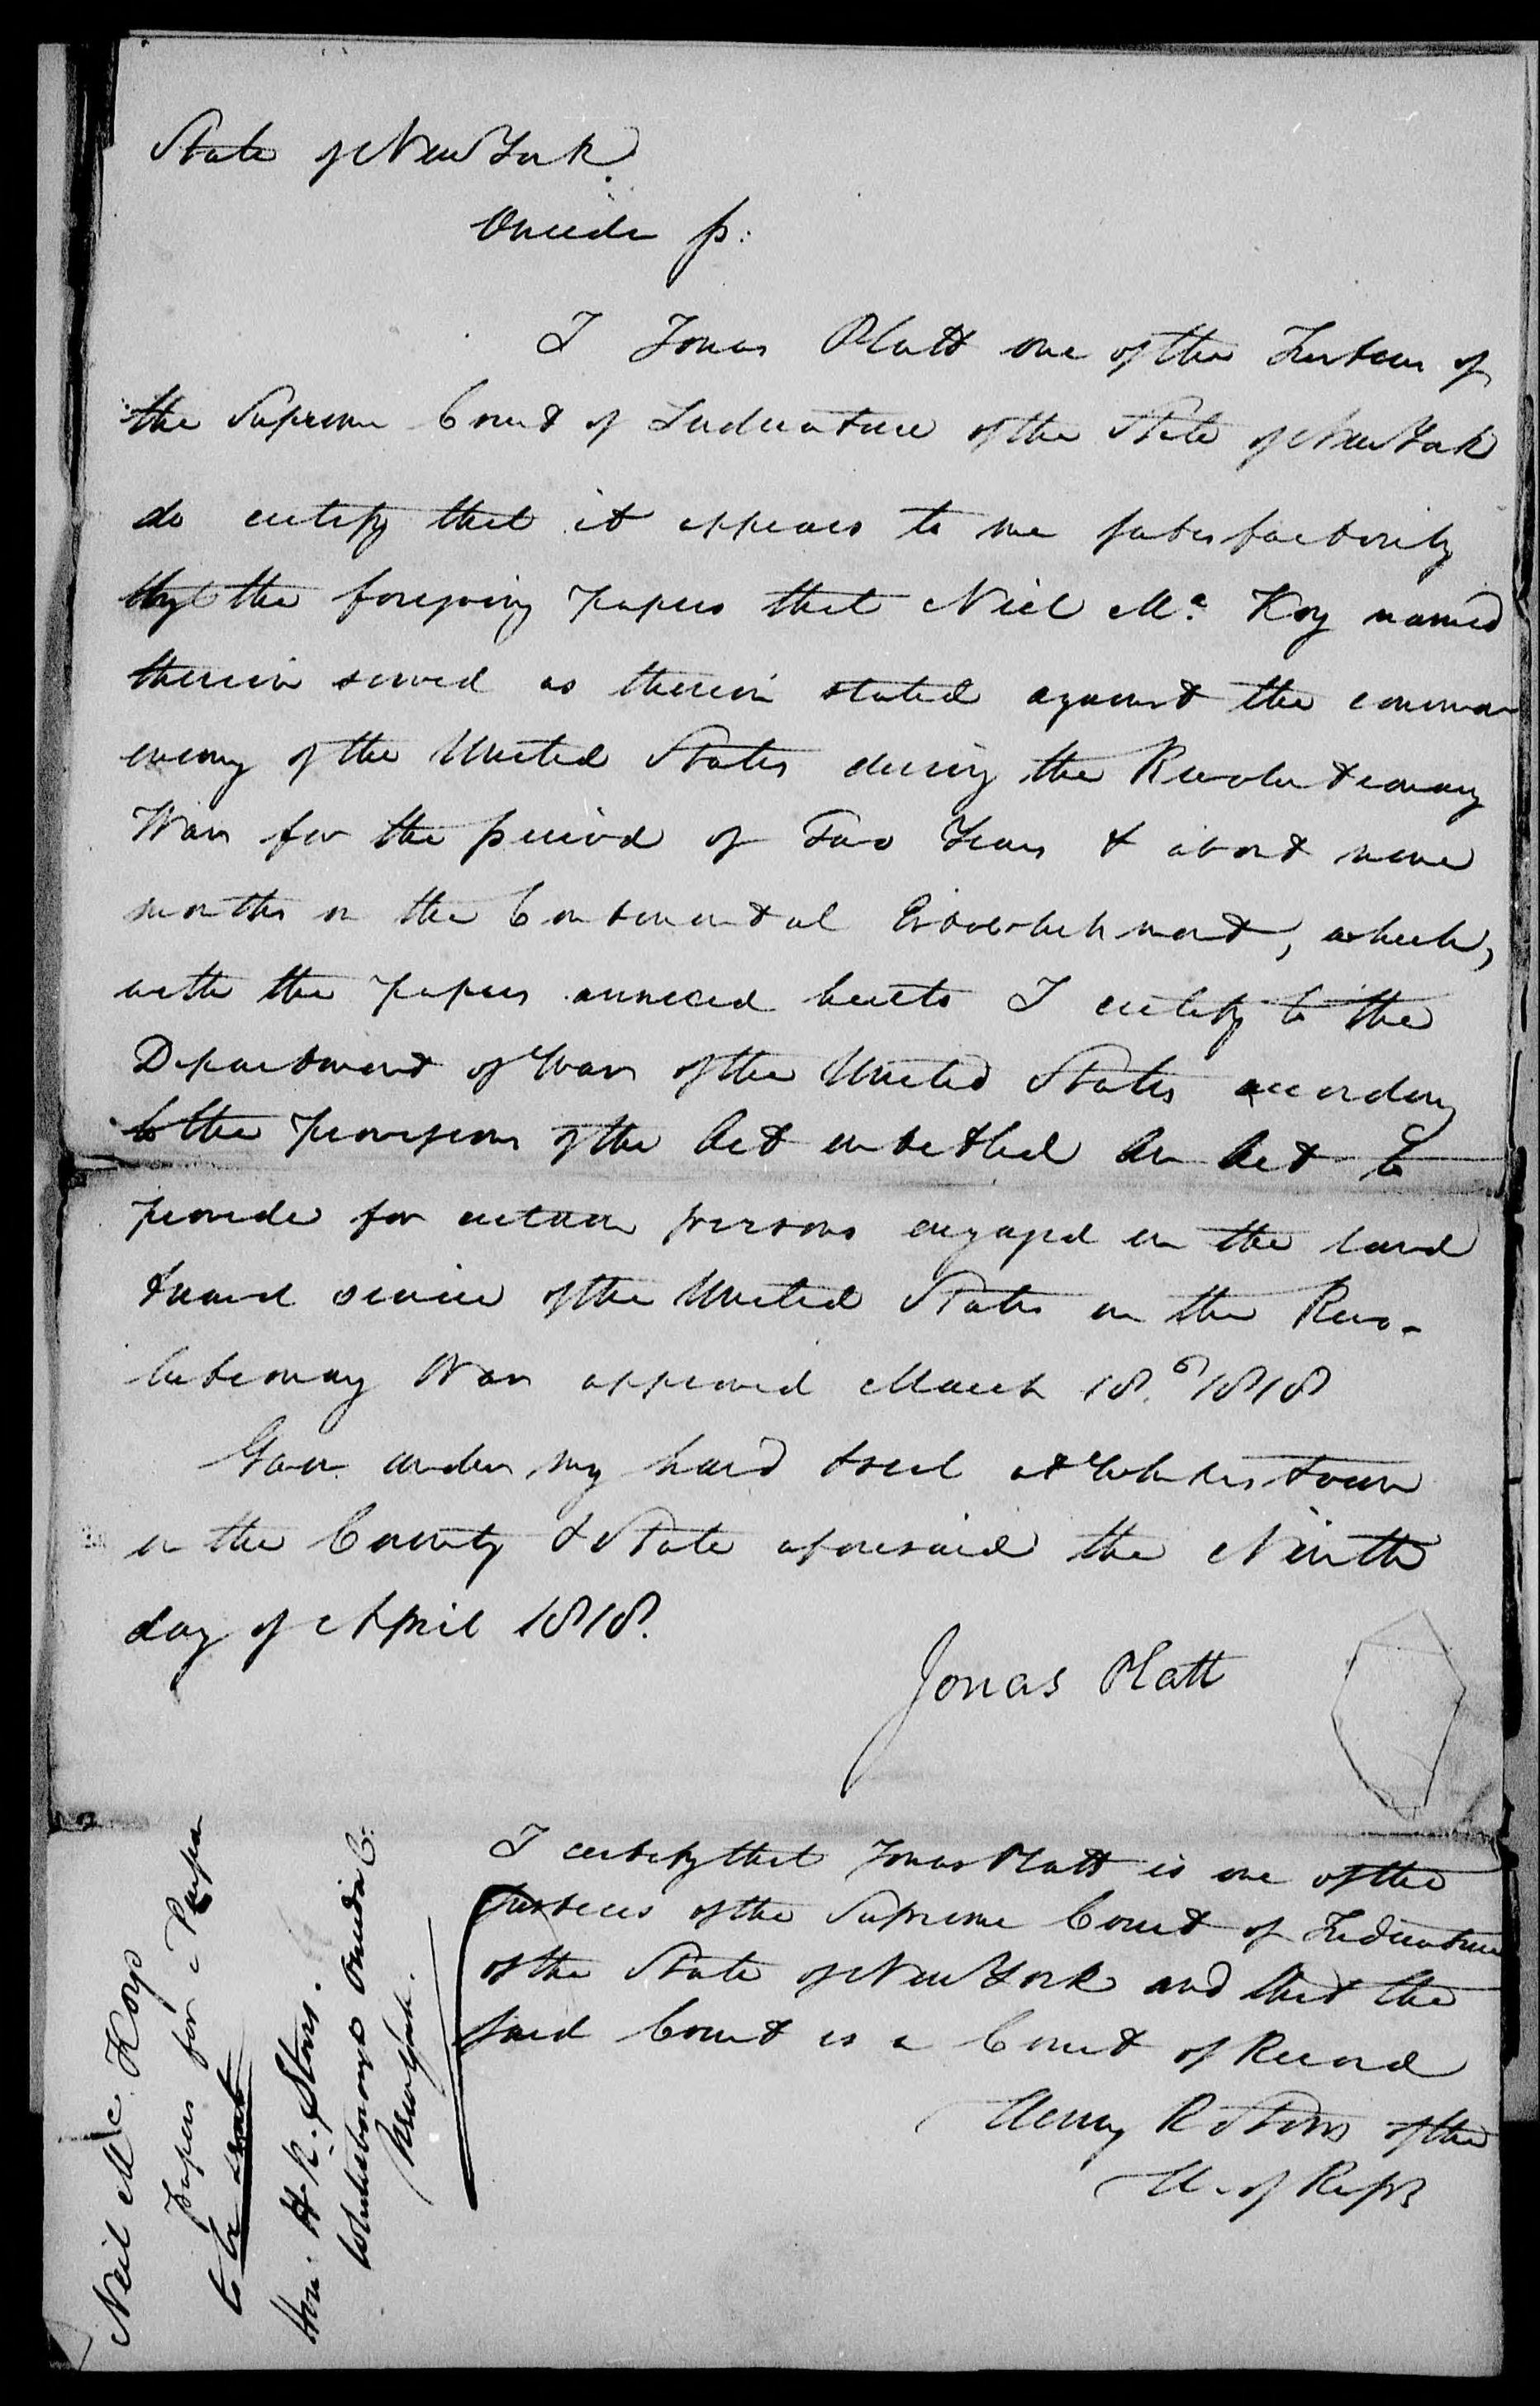State of New York
Oneida [?]
I Jonas Platt one of the Justices of the Supreme Court of [?] of the State of New York do certify that it appears to me satisfactorily that the forgoing papers that Niel McKoy named therein served as therein stated against the common enemy of the Unites States during the Revolutionary Was for the period of two years & about nine months in the Continental [?] which with the papers annexed hereto I certify to the Department of War of the United States according to the [?] of the Act [?] an Act to provide for certain persons engaged in the land [?] service of the United States in the Revolutionary War appeared March 18, 1818.
[?] under my hand [?] at Washington in the County &  State aforesaid the Ninth day of April 1818.
Jons Platt
Neil McKoy
Papers for a pauper to be [?]
Hon HR Starr
Wheteborogh[?] Oneida Co New York 
I certify that Jonas Platt is one of the Justices of the Supreme Court of [?] of the State of New York and that the said Court is a Court of Record
Henry Rothen [?] of the [? ?]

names: Jonas Platt; Niel Mc Koy; Henry R Storrs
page: 10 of 11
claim: survivor's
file: S. 42951, for Neil Mc Koy, Massachusetts